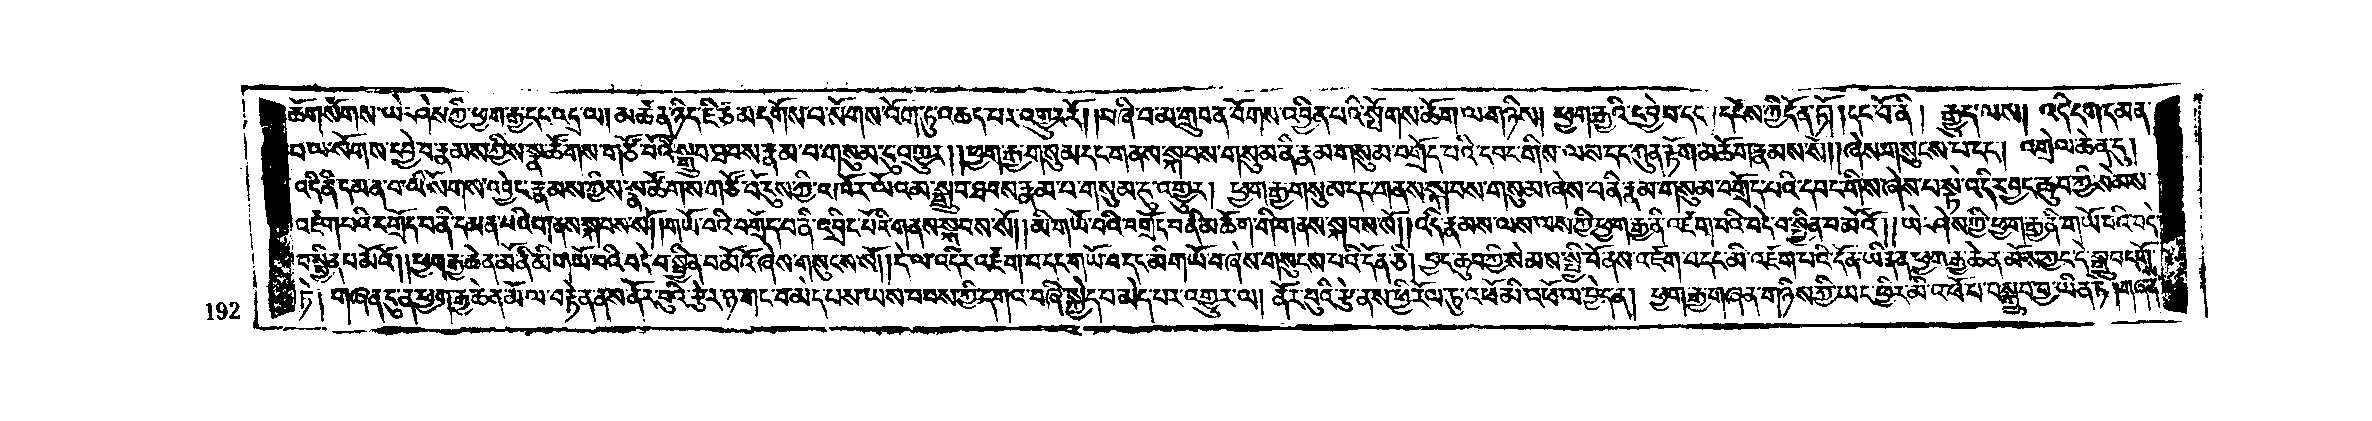ཆོག་སོགས་ཡེ་ཤེས་ཀྱི་ཕྱག་རྒྱ་དང་འདྲ་ལ། མཚན་ཉིད་ཇི་ཙམ་དགོས་པ་སོགས་འོག་ཏུ་འཆད་པར་འགྱུར་རོ། །བཞི་པ་མ་གྲུབ་ན་བོགས་འབྱིན་པའི་སྤོགས་ཆོག་ལ་གཉིས། ཕྱག་རྒྱའི་དབྱེ་བ་དང་། དངོས་ཀྱི་དོན་ཏོ། །དང་པོ་ནི། རྒྱུད་ལས། འདི་དག་དམན་
པ་ལ་སོགས་དབྱེ་བ་རྣམས་ཀྱིས་སྣ་ཚོགས་གཙོ་བོའི་སྒྲུབ་ཐབས་རྣམ་པ་གསུམ་དུ་འགྱུར། །ཕྱག་རྒྱ་གསུམ་དང་གནས་སྐབས་གསུམ་ནི་རྣམ་གསུམ་བགྲོད་པའི་དབང་གིས་ལས་དང་ཀུན་རྟོག་མཆོག་རྣམས་སོ། །ཞེས་གསུངས་པ་དང་། འགྲེལ་ཆེན་དུ་
འདི་ནི་དམན་པ་ལ་སོགས་འབྱེད་རྣམས་ཀྱིས་སྣ་ཚོགས་གཙོ་བོ་དུས་ཀྱི་འཁོར་ལོའམ་སྒྲུབ་ཐབས་རྣམ་པ་གསུམ་དུ་འགྱུར། ཕྱག་རྒྱ་གསུམ་དང་གནས་སྐབས་གསུམ་ཞེས་པ་ནི་རྣམ་གསུམ་བགྲོད་པའི་དབང་གིས་ཞེས་པ་སྟེ་འདིར་བྱང་ཆུབ་ཀྱི་སེམས་
འཛག་པའི་བགྲོད་པ་ནི་དམན་པའི་གནས་སྐབས་སོ། །གཡོ་བའི་བགྲོད་པ་ནི་འབྲིང་པོའི་གནས་སྐབས་སོ། །མི་གཡོ་བའི་བགྲོད་པ་ནི་མཆོག་གི་གནས་སྐབས་སོ། །འདི་རྣམས་ལས་ལས་ཀྱི་ཕྱག་རྒྱ་ནི་འཛག་པའི་བདེ་བ་སྦྱིན་པ་མོའོ། །ཡེ་ཤེས་ཀྱི་ཕྱག་རྒྱ་ནི་གཡོ་བའི་བདེ་
བ་སྦྱིན་པ་མོའོ། །ཕྱག་རྒྱ་ཆེན་མོ་ནི་མི་གཡོ་བའི་བདེ་བ་སྦྱིན་པ་མོའོ་ཞེས་གསུངས་སོ། །དེ་ལ་འདིར་འཛག་པ་དང་གཡོ་བ་དང་མི་གཡོ་བ་ཞེས་གསུངས་པའི་དོན་ཅི། བྱང་ཆུབ་ཀྱི་སེམས་སྤྱི་བོ་ནས་འཛག་པ་དང་མི་འཇོག་པའི་དོན་ཡིན་ན་ཕྱག་རྒྱ་ཆེན་མོས་ཀྱང་དེ་སྒྲུབ་དགོས་
ཏེ། གཞན་དུ་ན་ཕྱག་རྒྱ་ཆེན་མོ་ལ་བརྟེན་ནས་ནོར་བུའི་རྩེར་ཉ་གང་བ་མེད་པས་ཡས་བབས་ཀྱི་དགའ་བཞི་སྐྱེད་པ་མེད་པར་འགྱུར་ལ། ནོར་བུའི་རྩེ་ནས་ཕྱི་རོལ་ཏུ་འཕོ་མི་འཕོ་ལ་བྱེད་ན། ཕྱག་རྒྱ་གཞན་གཉིས་ཀྱི་ཡང་ཕྱིར་མི་འཕོ་བ་བསྒྲུབ་བྱ་ཡིན་ཏེ། གཞན་